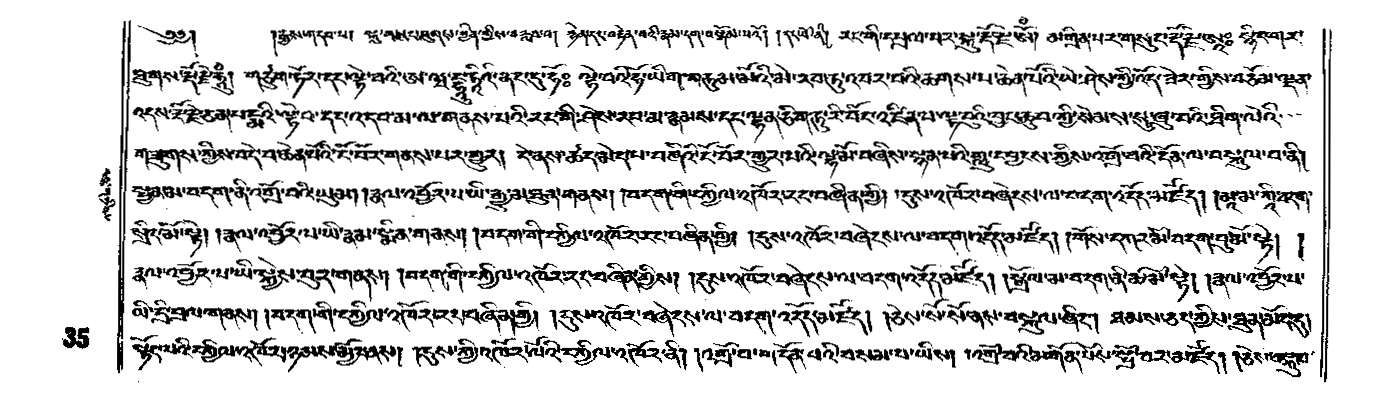༄༅། །རྒྱས་གདབ་པ། སྐུ་གསུང་ཐུགས་བྱིན་གྱིས་བརླབ་པ། རྟེན་དང་བརྟེན་པའི་རྣམ་དག་བསྒོམ་པའོ། །དང་པོ་ནི། རང་གི་དཔྲལ་བར་སྐུ་རྡོ་རྗེ་ཨོཾ། མགྲིན་པར་གསུང་རྡོ་རྗེ་ཨཱཿ སྙིང་གར་
ཐུགས་རྡོ་རྗེ་ཧཱུཾ། གཙུག་ཏོར་དང་ལྟེ་བའི་ཨ་ཝ་དྷཱུ་ཏཱིའི་ནང་དུ་ཧོཿ ལྟེ་བའི་ཧོ་ཡིག་གཏུམ་མོའི་མེ་རབ་ཏུ་འབར་བའི་ཆགས་པ་ཆེན་པོའི་ཡེ་ཤེས་ཀྱི་འོད་ཟེར་གྱིས་བཅོམ་ལྡན་
འདས་རྡོ་རྗེ་ཅན་པདམའི་ལྟེ་བ་དང་འདབ་མ་ལ་གནས་པའི་རང་གི་ཤེས་རབ་མ་རྣམས་དང་ལྷན་ཅིག་ཏུ་རི་བོང་འཛིན་པ་ལྟ་བུའི་བྱང་ཆུབ་ཀྱི་སེམས་སུ་ཞུ་བའི་ཐིག་ལེའི་
གཟུགས་ཀྱིས་བདེ་བ་ཆེན་པོའི་ངོ་བོར་གནས་པར་གྱུར། དེ་ནས་ཚད་མེད་པ་བཞིའི་ངོ་བོར་གྱུར་པའི་ལྷ་མོ་བཞིས་སྙན་པའི་གླུ་དབྱངས་ཀྱིས་འགྲོ་བའི་དོན་ལ་བསྐུལ་བ་ནི།
སྤྱན་མ་བདག་ནི་འགྲོ་བའི་ཡུམ། །རྣལ་འབྱོར་པ་ཡི་རྒྱུ་མཐུན་གནས། །བདག་གི་དཀྱིལ་འཁོར་རང་བཞིན་གྱི། །དུས་འཁོར་བཞེངས་ལ་བདག་འདོད་མཛོད། །མཱ་མ་ཀཱི་བདག་
སྲིད་མོ་སྟེ། །རྣལ་འབྱོར་པ་ཡི་རྣམ་སྨིན་གནས། །བདག་གི་དཀྱིལ་འཁོར་རང་བཞིན་གྱི། །དུས་འཁོར་བཞེངས་ལ་བདག་འདོད་མཛོད། །གོས་དཀར་མོ་བདག་བུ་མོ་སྟེ། །
རྣལ་འབྱོར་པ་ཡི་སྐྱེས་བུར་གནས། །བདག་གི་དཀྱིལ་འཁོར་རང་བཞིན་གྱིས། །དུས་འཁོར་བཞེངས་ལ་བདག་འདོད་མཛོད། །སྒྲོལ་མ་བདག་ནི་ཆ་མོ་སྟེ། །རྣལ་འབྱོར་པ་
ཡི་དྲི་བྲལ་གནས། །བདག་གི་དཀྱིལ་འཁོར་རང་བཞིན་གྱི། །དུས་འཁོར་བཞེངས་ལ་བདག་འདོད་མཛོད། །ཅེས་སོ་སོ་ནས་བསྐུལ་ཞིང་། ཐམས་ཅད་ཀྱིས་ཐུན་མོང་དུ།
སྟོང་པའི་དཀྱིལ་འཁོར་ཉམས་མྱོང་ནས། །དུས་ཀྱི་འཁོར་ལོའི་དཀྱིལ་འཁོར་ནི། །འགྲོ་བ་གདོན་པའི་བསམ་པ་ཡིས། །འགྲོ་བའི་མགོན་པོས་སྤྲོ་བར་མཛོད། །ཅེས་བསྐུལ་